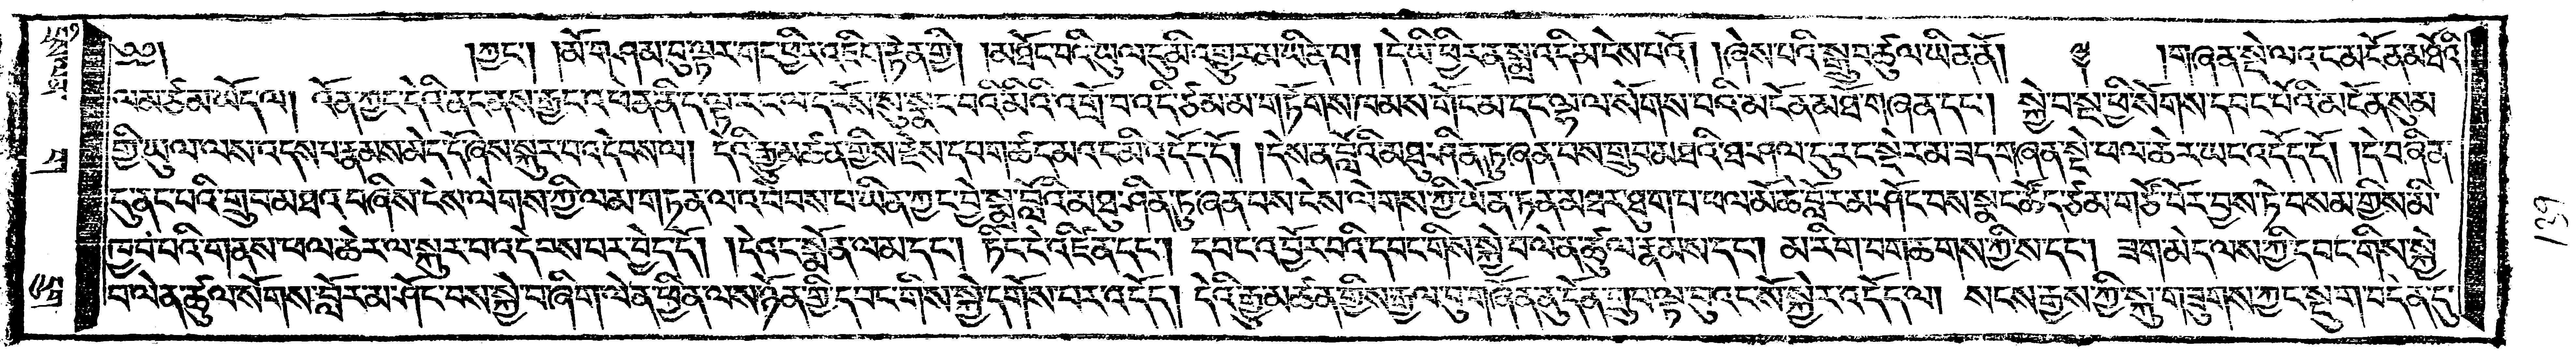༄༅། །ཀྱང་། །མོ་གཤམ་བུ་ལྟར་གང་ཕྱིར་འཇིག་རྟེན་གྱི། །མཐོང་བའི་ཡུལ་དུ་མི་འགྱུར་མ་ཡིན་པ། །དེ་ཡི་ཕྱིར་ན་སྨྲ་འདི་མ་ངེས་པའོ། །ཞེས་པའི་སྒྲུབ་ཚུལ་ཡིན་ནོ། ༈ །གཞན་སྡེ་ལའང་མངོན་མཐོའི་
ལམ་ཙམ་ཡོད་ལ། འོན་ཀྱང་དེའི་ནང་ནས་རྒྱང་འཕེན་ནི་ད་ལྟ་རང་ལ་དངོས་སུ་སྣང་བའི་མིའི་འགྲོ་བ་འདི་ཙམ་མ་གཏོགས་ཁམས་གོང་མ་དང་ལྷ་ལ་སོགས་པའི་མངོན་མཐོ་གཞན་དང་། སྐྱེ་བ་སྔ་ཕྱི་སོགས་དབང་པོའི་མངོན་སུམ་
གྱི་ཡུལ་ལས་འདས་པ་རྣམས་མེད་དོ་ཞེས་སྐུར་བ་འདེབས་ལ། དེའི་རྒྱུ་མཚན་གྱིས་རྗེས་དཔག་ཚད་མའང་མི་འདོད་དོ། །དེས་ན་བློའི་མཐུ་ཤིན་ཏུ་ཞན་པས་གྲུབ་མཐའི་ཐ་ཤལ་དུ་རང་སྡེར་མ་ཟད་གཞན་སྡེ་ཕལ་ཆེར་ཡང་འདོད་དོ། །དེ་བཞིན་
དུ་ནང་པའི་གྲུབ་མཐའ་བཞིས་ངེས་ལེགས་ཀྱི་ལམ་གཏན་ལ་འབེབས་པ་ཡིན་ཀྱང་བྱེ་སྨྲ་བློའི་མཐུ་ཤིན་ཏུ་ཞན་པས་ངེས་ལེགས་ཀྱི་ཡོན་ཏན་མཐར་ཐུག་པ་ཕལ་མོ་ཆེ་བློར་མ་ཤོང་བས་སྣང་ཚོད་ཙམ་གཙོ་བོར་བྱས་ཏེ་བསམ་གྱིས་མི་
ཁྱབ་པའི་གནས་ཕལ་ཆེར་ལ་སྐུར་བ་འདེབས་པར་བྱེད་དོ། །དེའང་སྨོན་ལམ་དང་། ཏིང་ངེ་འཛིན་དང་། དབང་འབྱོར་བའི་དབང་གིས་སྐྱེ་བ་ལེན་ཚུལ་རྣམས་དང་། མ་རིག་བག་ཆགས་ཀྱིས་དང་། ཟག་མེད་ལས་ཀྱི་དབང་གིས་སྐྱེ་
བ་ལེན་ཚུལ་སོགས་བློར་མ་ཤོང་བས་སྐྱེ་བ་ཞིག་ལེན་ཕྱིན་ལས་ཉོན་གྱི་དབང་གིས་སྐྱེ་དགོས་པར་འདོད། དེའི་རྒྱུ་མཚན་གྱིས་རྒྱལ་བུ་གཞོན་ནུ་དོན་གྲུབ་ལྟ་བུའང་སོ་སྐྱེར་འདོད་ལ། སངས་རྒྱས་ཀྱི་སྐུ་གཟུགས་ཀྱང་སྡུག་བདེན་དུ་